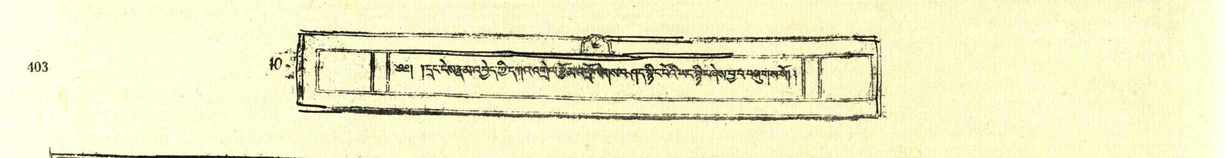༄༅། །དྲང་ངེས་རྣམ་འབྱེད་ཀྱི་དཀའ་འགྲེལ་རྩོམ་འགྲོ་ལེགས་བཤད་སྙིང་པོའི་ཡང་སྙིང་ཞེས་བྱ་བ་བཞུགས་སོ། །